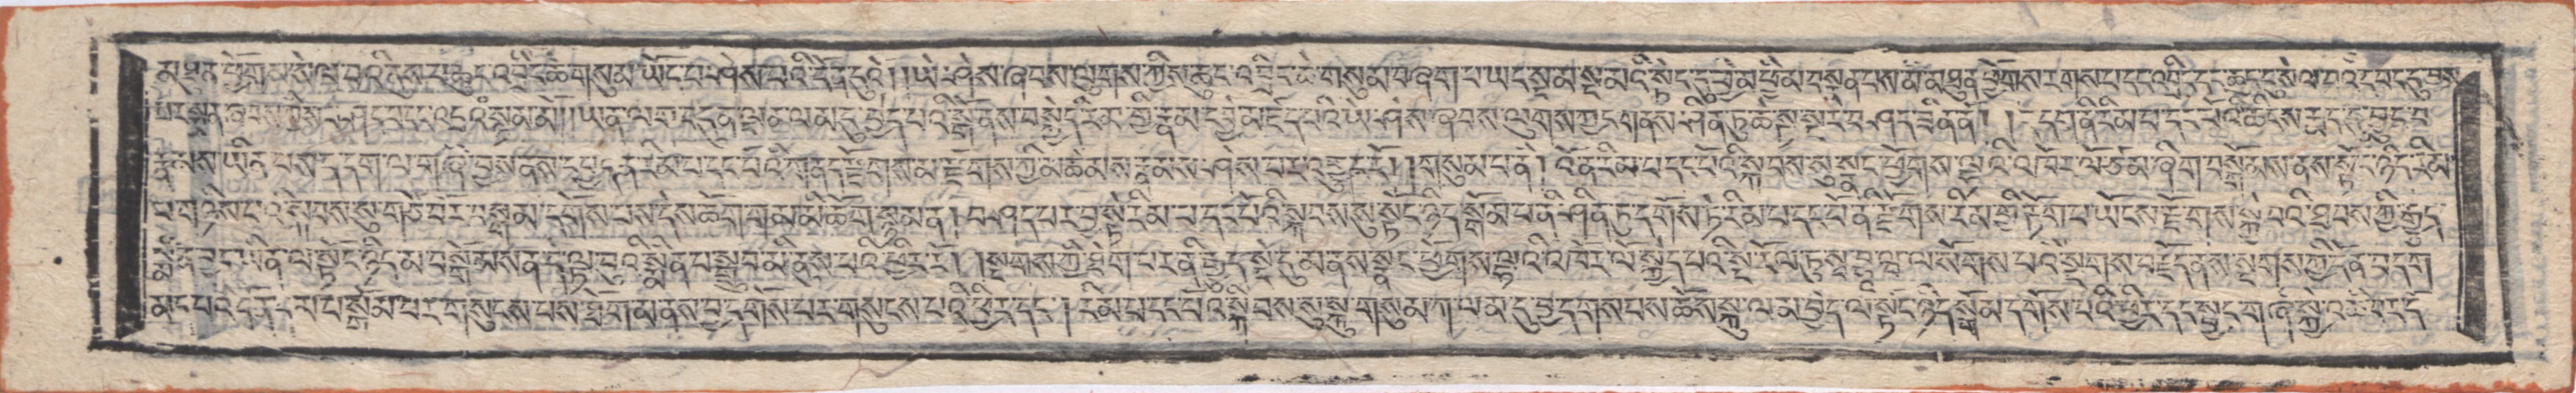མཐུན་ཕྱོགས་སེལ་བའི་ནུས་པ་ཆུང་འབྲིང་ཆེ་གསུམ་ཡོད་པ་ཤེས་པའི་དོན་དུའོ། །ཡེ་ཤེས་ཞབས་ལུགས་ཀྱིས་ཆུང་འབྲིང་ཆེ་གསུམ་བཞག་པ་ཡང་སྔ་མ་སྔ་མའི་སྟེང་དུ་ཕྱི་མ་ཕྱི་མ་བསྣན་པས་མི་མཐུན་ཕྱོགས་རགས་པ་དང་འབྲིང་དང་ཆུང་ངུ་སེལ་བའི་དབང་དུ་བྱས་
པར་སྨན་ཞབས་ཀྱིས་བཤད་པ་དང་འདྲའམ་སྙམ་མོ། །ཡན་ལག་བདུན་ལྡན་ལམ་དུ་བྱེད་པའི་སྒོ་ནས་བསྐྱེད་རིམ་གྱི་རྣམ་དབྱེ་མཛད་པའི་ཡེ་ཤེས་ཞབས་ལུགས་ཀྱང་གནས་ཤིན་ཏུ་ཆེ་སྟ་སྔར་བཤད་ཟིན་ནོ། །དེ་དག་ནི་རིམ་པ་དང་པོའི་ཆིངས་རྨད་དུ་བྱུང་བ་
རྣམས་ཡིན་པས་དེ་དག་ལ་གཞི་བྱས་ནས་དཔྱད་ན་རིམ་པ་དང་པོའི་གནད་རྫོགས་མ་རྫོགས་ཀྱི་མཚིམས་རྣམས་ཤེས་པར་འགྱུར་རོ། །གསུམ་པ་ནི། འོ་ན་རིམ་པ་དང་པོའི་སྐབས་སུ་སྣང་ཕྱོགས་ལྷའི་འཁོར་ལོ་ཙམ་ཞིག་བསྒོམས་ནས་སྟོང་ཉིད་རིམ་
པ་གཉིས་པའི་སྐབས་སུ་གཙོ་བོར་བསྒམ་དགོས་པས་དེས་ཆོག་གམ་མི་ཆོག་སྙམ་ན། བཤད་པར་བྱ་སྟེ་རིམ་པ་དང་པོའི་སྐབས་སུ་སྟོང་ཉིད་སྒོམ་པ་ནི་ཤིན་ཏུ་དགོས་ཏེ་རིམ་པ་དང་པོ་ནི་རྫོགས་རིམ་གྱི་རྟོག་པ་ཡོངས་རྫོགས་སྐྱེ་བའི་ཐབས་ཀྱི་རྒྱུད་
སྨིན་བྱེད་ཡིན་ལ་སྟོང་ཉིད་མ་བསྒོམས་ན་དེ་ལྟ་བུའི་སྨིན་པ་སྒྲུབ་མི་ནུས་པའི་ཕྱིར་རོ། །སྔགས་ཀྱི་ཐེག་པར་ནི་རྒྱུད་སྡེ་དུ་མ་ནས་སྣང་ཕྱོགས་ལྷའི་འཁོར་ལོ་སྐྱེད་པའི་སྔ་རལ་ཏུ་སྭ་བྷཱ་ཝ་ལ་སོགས་པའི་སྔགས་བརྗོད་ནས་སྔགས་ཀྱི་དོན་བདག་
མེད་པའི་དོན་དམ་པ་སྒོམ་པར་གསུངས་པས་ཐོག་མ་ནས་བྱ་དགོས་པར་གསུངས་པའི་ཕྱིར་དང་། རིམ་པ་དང་པོའི་སྐབས་སུ་སྐུ་གསུམ་ཀ་ལམ་དུ་བྱ་དགོས་པས་ཆོས་སྐུ་ལམ་བྱེད་ལ་སྟོང་ཉིད་སྒོམ་དགོས་པའི་ཕྱིར་དང་སྦྱང་གཞི་སྐྱེ་འཆི་བར་དོ་